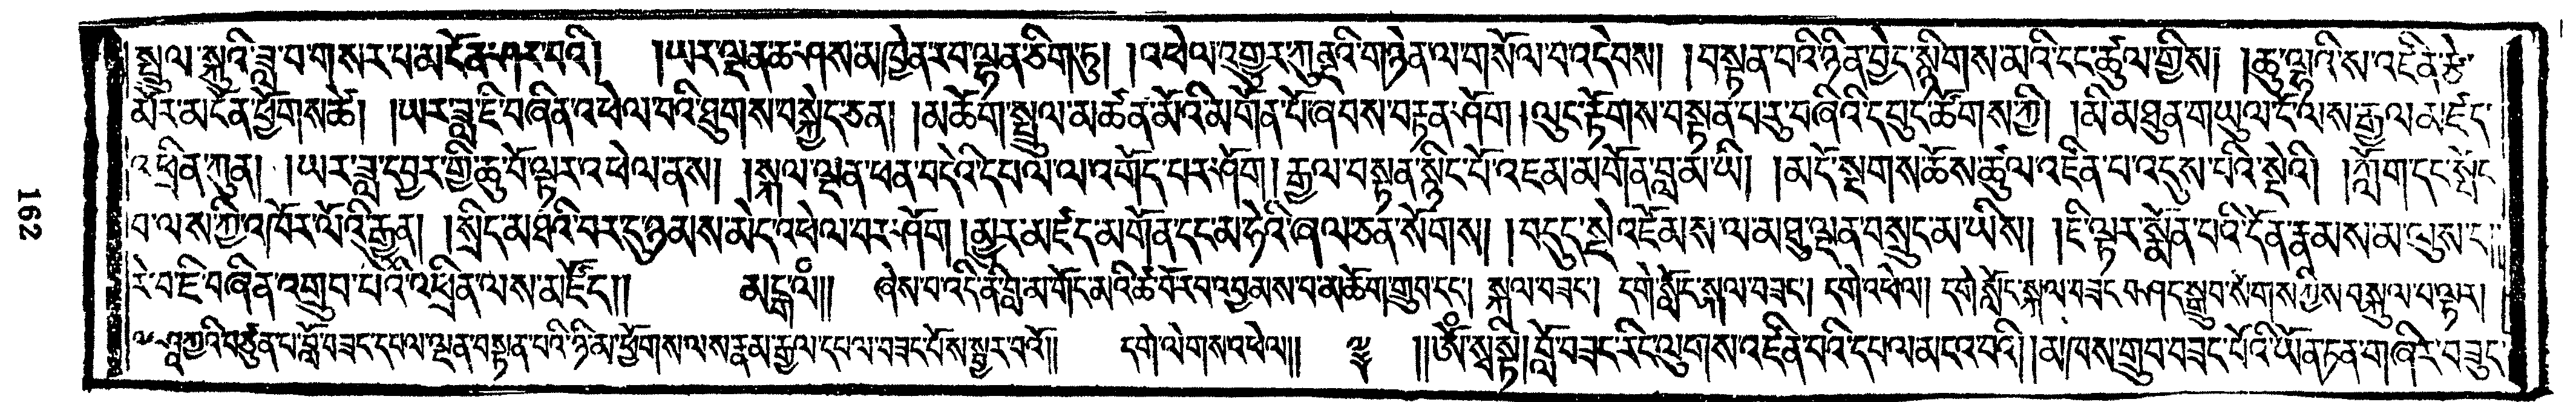སྤྲུལ་སྐུའི་ཟླ་བ་གསར་པ་མངོན་ཤར་བའི། །ཡར་ལྡན་ཆ་ཤས་མཁྱེན་རབ་ལྷན་ཅིག་ཏུ། །འཕེལ་འགྱུར་ཀུནྡའི་གཉེན་ལ་གསོལ་བ་འདེབས། །བསྟན་པའི་ཉིན་བྱེད་སྙིགས་མའི་ངང་ཚུལ་གྱིས། །ཆུ་ལྷའི་ས་འཛིན་རྩེ་
མོར་མངོན་ཕྱོགས་ཚེ། །ཡར་ཟླ་ཇི་བཞིན་འཕེལ་བའི་ཐུགས་བསྐྱེད་ཅན། །མཆོག་སྤྲུལ་མཚན་མོའི་མགོན་པོ་ཞབས་བརྟན་ཤོག །ལུང་རྟོགས་བསྟན་པ་རུ་བཞིའི་དཔུང་ཚོགས་ཀྱི། །མི་མཐུན་གཡུལ་ངོ་ལས་རྒྱལ་མཛད་
འཕྲིན་ཀུན། །ཡར་ཟླ་དབྱར་གྱི་ཆུ་བོ་ལྟར་འཕེལ་ནས། །སྐལ་ལྡན་ཕན་བདེའི་དཔལ་ལ་འགོད་པར་ཤོག །རྒྱལ་བསྟན་སྙིང་པོ་འཇམ་མགོན་བླ་མ་ཡི། །མདོ་སྔགས་ཆོས་ཚུལ་འཛིན་པ་འདུས་པའི་སྡེའི། །ཀློག་དང་སྤོང་
བ་ལས་ཀྱི་འཁོར་ལོའི་རྒྱུན། །སྲིད་མཐའི་བར་དུ་ཉམས་མེད་འཕེལ་བར་ཤོག །མྱུར་མཛད་མགོན་དང་མ་ཧེའི་ཞལ་ཅན་སོགས། །བདུད་སྡེ་འཇོམས་ལ་མཐུ་ལྡན་བསྲུང་མ་ཡིས། །ཇི་ལྟར་སྨོན་པའི་དོན་རྣམས་མ་ལུས་པ།།
རེ་བ་ཇི་བཞིན་འགྲུབ་པའི་འཕྲིན་ལས་མཛོད།། མངྒ་ལཾ།། ཞེས་པ་འདི་ནི་བླ་མ་གོང་མའི་ཚ་བོ་རབ་འབྱམས་པ་མཆོག་གྲུབ་དང་། སྐལ་བཟང་། དགེ་སློང་སྐལ་བཟང་། དགེ་འཕེལ། དགེ་སློང་སྐལ་བཟང་བཤད་སྒྲུབ་སོགས་ཀྱིས་བསྐུལ་བ་ལྟར། །
༧་ཤཱཀྱའི་བཙུན་པ་བློ་བཟང་དཔལ་ལྡན་བསྟན་པའི་ཉི་མ་ཕྱོགས་ལས་རྣམ་རྒྱལ་དཔལ་བཟང་པོས་སྦྱར་བའོ།། དགེ་ལེགས་འཕེལ།། ༈ །།ཨོཾ་སྭ་སྟི། བློ་བཟང་རིང་ལུགས་འཛིན་པའི་དཔལ་མངའ་བའི། །མཁས་གྲུབ་བཟང་པོའི་ཡོན་ཏན་གཞིར་བཟུང་